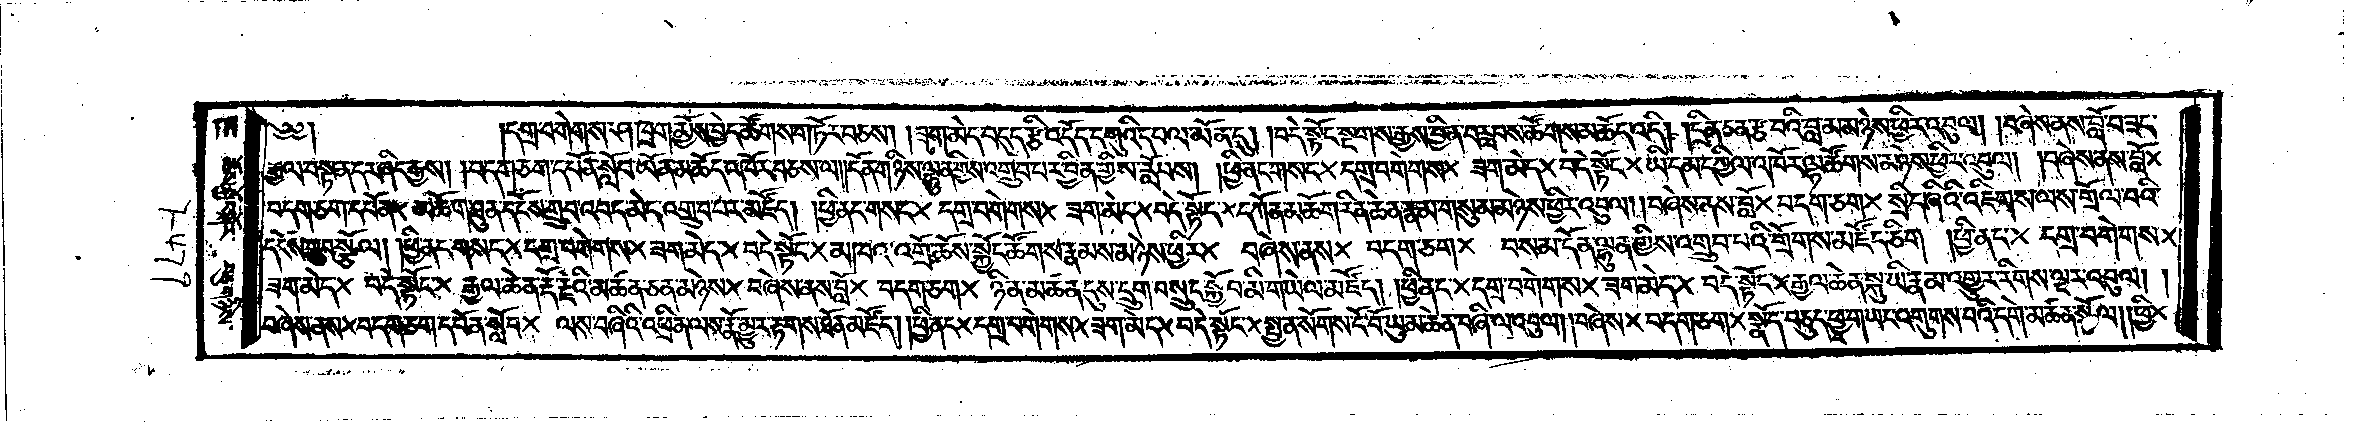༄༅། །དགྲ་བགེགས་ཤ་ཁྲག་མྱོས་བྱེད་ཚོགས་གཏོར་བཅས། །ཟག་མེད་བདུད་རྩི་འདོད་དགུའི་དཔལ་ཡོན་དུ། །བདེ་སྟོང་སྔགས་རྒྱས་བྱིན་བརླབས་ཚོགས་མཆོད་འདི། །དྲིན་ཅན་རྩ་བའི་བླ་མ་མཉེས་ཕྱིར་འབུལ། །བཞེས་ནས་བློ་བཟང་
རྒྱལ་བསྟན་དར་ཞིང་རྒྱས། །བདག་ཅག་དཔོན་སློབ་ཡོན་མཆོད་འཁོར་བཅས་ལ། །དོན་གཉིས་ལྷུན་གྱིས་འགྲུབ་པར་བྱིན་གྱིས་རློབས། །ཕྱི་ནང་གསང་྾་དགྲ་བགེགས་྾་ཟག་མེད་྾་བདེ་སྟོང་྾་ཡི་དམ་དཀྱིལ་འཁོར་ལྷ་ཚོགས་མཉེས་ཕྱིར་འབུལ། །བཞེས་ནས་བློ་྾་
བདག་ཅག་དཔོན་྾་མཆོག་ཐུན་དངོས་གྲུབ་འབད་མེད་འགྲུབ་པར་མཛོད། །ཕྱི་ནང་གསང་྾་དགྲ་པ་གེགས་྾་ཟག་མེད་྾་བདེ་སྟོང་྾་དཀོན་མཆོག་རིན་ཆེན་རྣམ་གསུམ་མཉེས་ཕྱིར་འབུལ། །བཞེས་ནས་བློ་྾་བདག་ཅག་྾་སྲིད་ཞིའི་འཇིགས་ལས་གྲོལ་བའི་
དངོས་གྲུབ་སྩོལ། །ཕྱི་ནང་གསང་྾་དགྲ་བགེགས་྾་ཟག་མེད་྾་བདེ་སྟོང་྾་མཁའ་འགྲོ་ཆོས་སྐྱོང་ཚོགས་རྣམས་མཉེས་ཕྱིར་྾་བཞེས་ནས་྾་བདག་ཅག་྾་བསམ་དོན་ལྷུན་གྱིས་འགྲུབ་པའི་གྲོགས་མཛོད་ཅིག །ཕྱི་ནང་྾་དགྲ་བགེགས་྾་
ཟག་མེད་྾་བདེ་སྟོང་྾་རྒྱལ་ཆེན་རྡོ་རྗེའི་མཚན་ཅན་མཉེས་྾་བཞེས་ནས་བློ་྾་བདག་ཅག་྾་ཉིན་མཚན་དུས་དྲུག་བསྲུང་སྐྱོབ་མི་གཡེལ་མཛོད། །ཕྱི་ནང་྾་དགྲ་བགེགས་྾་ཟག་མེད་྾་བདེ་སྟོང་྾་རྒྱལ་ཆེན་སྐུ་ཡི་རྣམ་འགྱུར་རིགས་ལྔར་འབུལ། །
བཞེས་ནས་྾་བདག་ཅག་དཔོན་སློབ་྾་ལས་བཞིའི་འཕྲིན་ལས་རྣོ་མྱུར་རྟགས་ཐོན་མཛོད། །ཕྱི་ནང་྾་དགྲ་བགེགས་྾་ཟག་མེད་྾་བདེ་སྟོང་྾་སྤྱན་སོགས་ངོ་བོ་ཡུམ་ཆེན་བཞི་ལ་འབུལ། །བཞེས་྾་བདག་ཅག་྾་སྣོད་བཅུད་ཕྱྭ་གཡང་འགུགས་པའི་དགེ་མཚན་སྩོལ། །ཕྱི་྾་